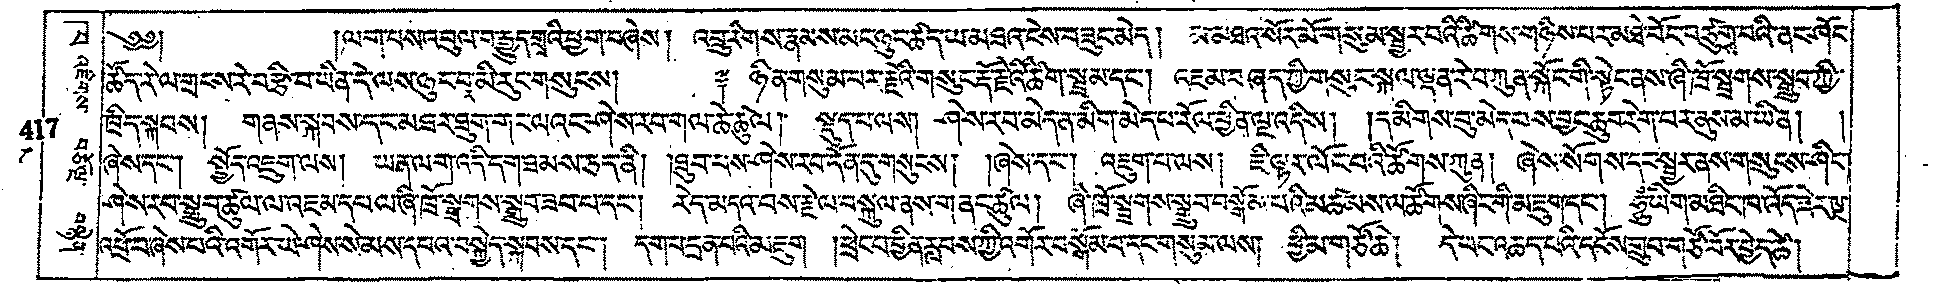༄༅། །ལག་པས་འབུལ་བ་རྒྱུད་གྲྭའི་ཕྱག་བཞེས། འབྲུ་རིགས་རྣམས་མང་ཉུང་ཚད་ཡ་མཐའ་ངེས་བཟུང་མེད། མ་མཐའ་སོར་མོ་གསུམ་སྦྱར་བའི་ཚིགས་གཉིས་པར་མཐེ་བོང་བཙུགས་པའི་ནང་ཤོང་
ཚོད་རེ་ལ་གྲངས་རེ་བརྩི་བ་ཡིན་དེ་ལས་ཉུང་བར་མི་རུང་གསུངས། འ་ཉིན་གསུམ་པར་རྗེའི་གསུང་རྡོ་རྗེའི་ཚིག་སྦྲམ་དང་། འཇམ་བཞད་ཀྱི་གསུང་སྐལ་ལྡན་རེ་བ་ཀུན་སྐོང་གི་སྟེང་ནས་ཞི་ཁྲོ་སྦྲགས་སྒྲུབ་ཀྱི་་་
ཁྲིད་སྐབས། གནས་སྐབས་དང་མཐར་ཐུག་གང་ལའང་ཤེས་རབ་གལ་ཆེ་ཚུལ། སྡུད་པ་ལས། ཤེས་རབ་མེད་ན་མིག་མེད་ཕ་རོལ་ཕྱིན་ལྔ་འདིས། །དམིགས་བུ་མེད་པས་བྱང་ཆུབ་རེག་པར་ནུས་མ་ཡིན། །
ཞེས་དང་། སྤྱོད་འཇུག་ལས། ཡན་ལག་འདི་དག་ཐམས་ཅད་ནི། །ཐུབ་པས་ཤེས་རབ་དོན་དུ་གསུངས། །ཞེས་དང་། འཇུག་པ་ལས། ཇི་ལྟར་ལོང་བའི་ཚོགས་ཀུན། ཞེས་སོགས་དང་སྦྱར་ནས་གསུངས་ཤིང་།
ཤེས་རབ་སྒྲུབ་ཚུལ་ལ་འཇམ་དཔལ་ཞི་ཁྲོ་སྒྲགས་སྒྲུབ་ཟབ་པ་དང་། རེད་མདའ་བས་རྗེ་ལ་བསྐུལ་ནས་གནང་ཚུལ། ཞི་ཁྲོ་སྦྲགས་སྒྲུབ་བསྒོམ་པའི་མཚམས་ལ་ཚོགས་ཞིང་གི་མཇུག་དང་། ཧཱུཾ་ཡིག་མཐིང་ཁ་འོད་ཟེར་ལྔ་
འཕྲོ་བ་ཞེས་པའི་འགོར་ཡེ་ཤེས་སེམས་དཔའ་བསྐྱེད་སྐབས་དང་། དག་པ་དྲན་པའི་མཇུག །ཕྲེང་བ་བྱིན་རླབས་ཀྱི་འགོར་བསྒོམ་པ་དང་གསུམ་ལས། ཕྱི་མ་གཙོ་ཆེ། དེ་ཡང་འཆད་པའི་དངོས་གྲུབ་གཙོ་བོར་བྱེད་ཚེ།